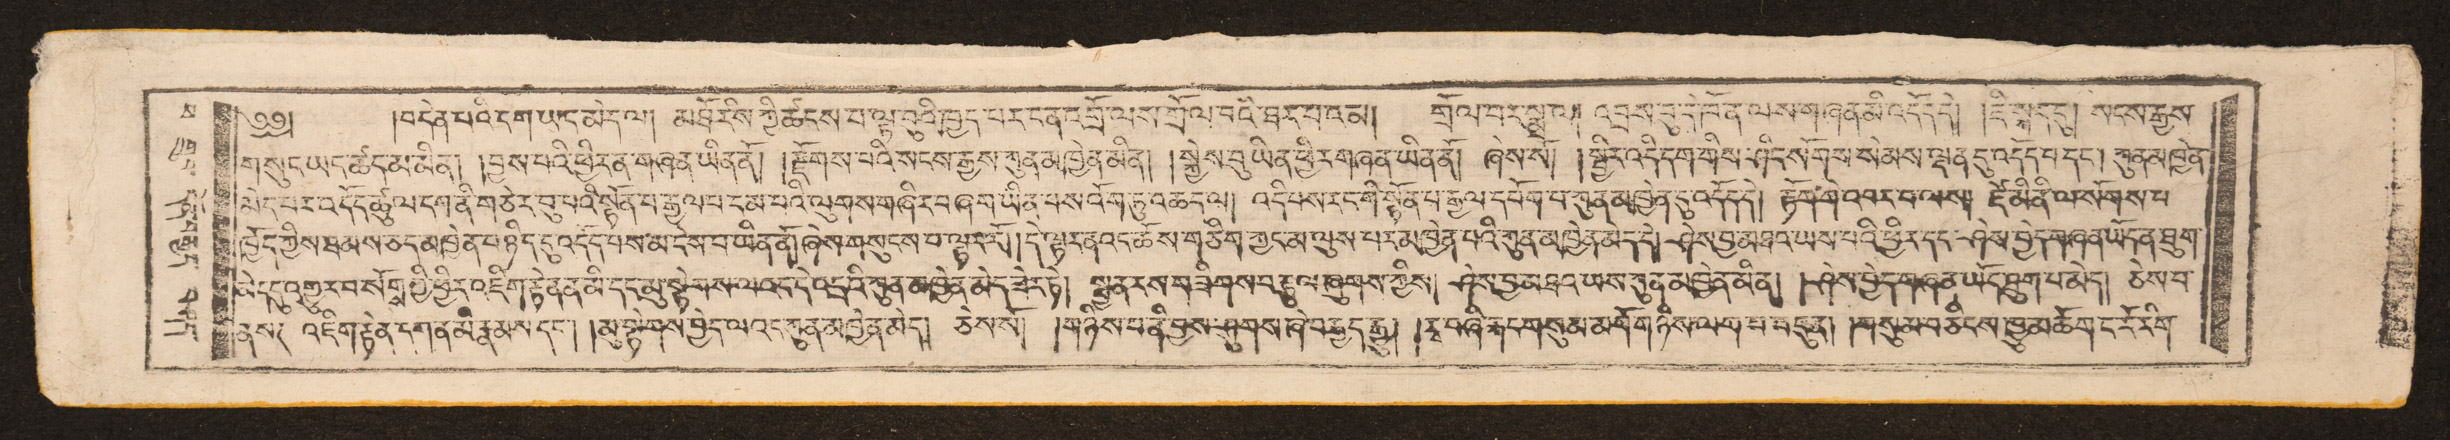༄༅། །བདེན་པའི་དག་ཡང་མེད་ལ། མཐོ་རིས་ཀྱི་ཚངས་པ་ལྟ་བུའི་ཁྱད་པར་རང་ན་འགྲོ་ལས་གྲོལ་བའི་ཐར་པའམ། གྲོལ་བར་སྨྲ་ལ། འབྲས་བུ་དེ་ཁོ་ན་ལས་གཞན་མི་འདོད་དེ། །ཇི་སྐད་དུ། སངས་རྒྱས་
གསུང་ཡང་ཚད་མ་མིན། །བྱས་པའི་ཕྱིར་ན་གཞན་ཡིན་ནོ། །རྫོགས་པའི་སངས་རྒྱས་ཀུན་མཁྱེན་མིན། །སྐྱེས་བུ་ཡིན་ཕྱིར་གཞན་ཡིན་ནོ། ཞེས་སོ། །སྤྱིར་འདི་དག་གིས་ཤིང་སོགས་སེམས་ལྡན་དུ་འདོད་པ་དང་། ཀུན་མཁྱེན་
མེད་པར་འདོད་ཚུལ་དག་ནི་གཅེར་བུ་པའི་སྟོན་པ་རྒྱལ་བ་དམ་པའི་ལུགས་གཞིར་བཞག་ཡིན་པས་འོག་ཏུ་འཆད་ལ། འདི་པས་རང་གི་སྟོན་པ་རྒྱལ་དཔོག་པ་ཀུན་མཁྱེན་དུ་འདོད་དེ། རྟོག་ག་འབར་བ་ལས། ཛེ་མི་ནི་ལ་སོགས་པ་
ཁྱོད་ཀྱིས་ཐམས་ཅད་མཁྱེན་པ་ཉིད་དུ་འདོད་བསམ་རེས་པ་ཡིན་ནོ། ཞེས་གསུངས་པ་ལྟར་རོ། །དེ་ལྟར་ནའང་ཆོས་གཅིག་ཀྱང་མ་ལུས་པར་མཁྱེན་པའི་ཀུན་མཁྱེན་མེད་ད། ཤེས་བྱ་མཐའ་ཡས་པའི་ཕྱིར་དང་ཤེས་བྱད་གཞན་ཡོང་ན་ཐུག་
མེད་དུ་འགྱུར་བ་སོགས་ཀྱི་ཕྱིར་འཇིག་རྟེན་ན་མི་དང་མུ་སྟེགས་ལའང་དེ་འདྲའི་ཀུན་མཁྱེན་མེད་ཟེར་ཏེ། སྤྱན་རས་གཟིགས་བརྟུལ་ཞུགས་ཀྱིས། ཤེས་བྱ་མཐའ་ཡས་ཀུན་མཁྱེན་མིན། །ཤེས་བྱེད་གཞན་ཡོད་ཐུག་པ་མེད། ཅེས་པ་
ནས། འཇིག་རྟེན་དག་ན་མི་རྣམས་དང་། །མུ་སྟེགས་བྱེད་ལའང་ཀུན་མཁྱེན་མེད། ཅེས་སོ། །གཉིས་པ་ནི་བྱས་ཤུགས་ཞེ་བརྒྱད་རྒྱུ། །རྭ་བཞི་རྐང་གསུམ་མགོ་གཉིས་ལག་པ་བདུན། །གསུམ་བཅིངས་ཁྱུམ་ཚོག་ང་རོ་རིག་